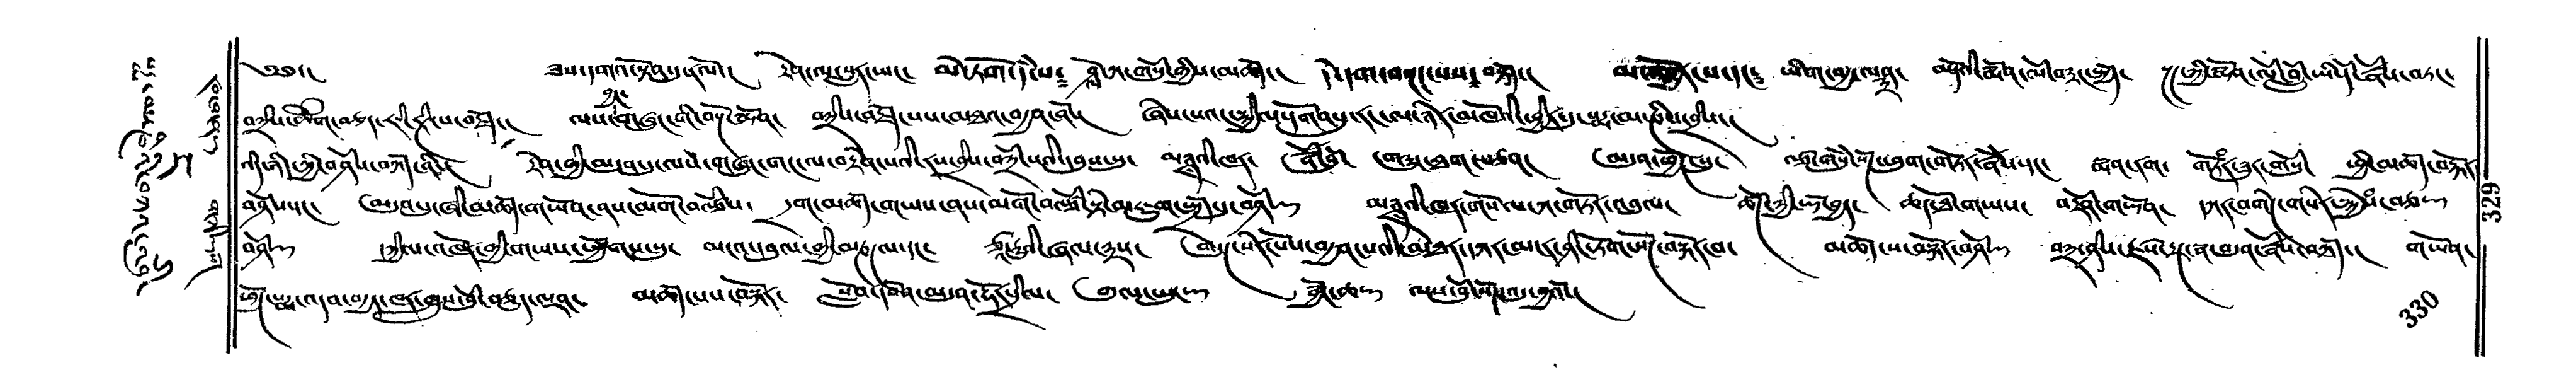༣༢༩༽ ཟས་དགའ་སྟོན་དུ་རོལ། རྟེན་ལ་སླར་ཡང་། མེ་ཏོག་དམ་པ༴ ཤོ་ལོ་ཀ་གསུམ་གྱིས་མཆོད། དེ་དག་བསྔགས་པ༴ བསྟོད། མ་འབྱོར་པ་དང༴ ཡིག་བརྒྱ་ལན་གསུམ། མདོའི་སྨོན་ལམ་བཟང་སྤྱོད། སྔགས་ཀྱི་སྨོན་ལམ་བླ་མ་ཡི་དམ་རྣམས་གཏང་། 
བཀྲ་ཤིས་ཚིགས་བཅད་ཇི་རིགས་པ་བརྗོད། ལས་བྱང་གཞུང་གི་བསྔོ་སྨོན། བཀྲ་ཤིས་བརྗོད་པས་མཐའ་བརྒྱན་ནོ། །ཞེས་པའང་སྐྱིལ་དགོན་དུ་རང་ལ་ཉེར་མཁོའི་ཕྱིར་དུ་པདྨ་མ་ཎིས་བྲིས། 
འདི་ཉིད་ཀྱི་བཤམས་བཀོད་ནི། རྟེན་གྱི་མདུན་དུ་ལས་གཞུང་གང་ལ་བརྟེན་པའི་རས་བྲིས་བཀྲམ་པའི་དབུས་སུ། མཉྫའི་ཁར། རྣམ་བུམ་གཟུངས་ཐག་ཅན། མདུན་ཕྱོགས་སུ་རྩ་གསུམ་སོགས་ཕུག་གཏོར་རྣམས་དང་། སྨན་རཀ གཏོར་མ་ཟུར་གསུམ། ཕྱི་མཆོད་བསྐོར་
བཤམས་དང་། མདུན་དུ་ཞི་མཆོད་གཡོན་ནས་མགོ་བརྩམས།དྲག་མཆོད་གཡས་ནས་མགོ་བརྩམས་སྟེ་མཇུག་སྤྲོད་དུ་བཤམ། མཉྫའི་ཁར་གསོལ་ཀ་གཏོར་འབུལ། ཚོགས་ཀྱི་ཡོ་བྱད། ཆད་ཐོ་གཡས། བརྟན་མ་གཡོན། དཀར་བགེགས་གསེར་སྐྱེམས་བཅས་
བཤམ། དཀྱིལ་འཁོར་གྱི་གཡས་ཕྱོགས་སུ། མངའ་དབུལ་གྱི་མཎྜལ་དང་། ཙཱ་རུའི་ཞལ་ཟས། གདུགས་སེར་པོས་བརྒྱན་པའི་མཐར་དཀར་མངར་ཤིང་ཏོག་སོགས་བསྐོར་བ། མཆོད་པ་བསྐོར་བཤམས། བཀྲ་ཤིས་རྫས་རྟགས་སྣ་བདུན་རྣམས་བཀོད། གཡོན
་ཕྱོགས་པདྨ་འདབ་བརྒྱད་ཁར་ཁྲུས་བུམ་བཅུད་ལྡན། མཆོད་པས་བསྐོར། སློབ་དཔོན་མདུན་རྡོར་དྲིལ། གུལ་ཡུངས། སྦྱོང་ཆས། ལས་བུམ་སོགས་འདུ་བྱའོ།། དགེའོ།། ༣༣༠༽